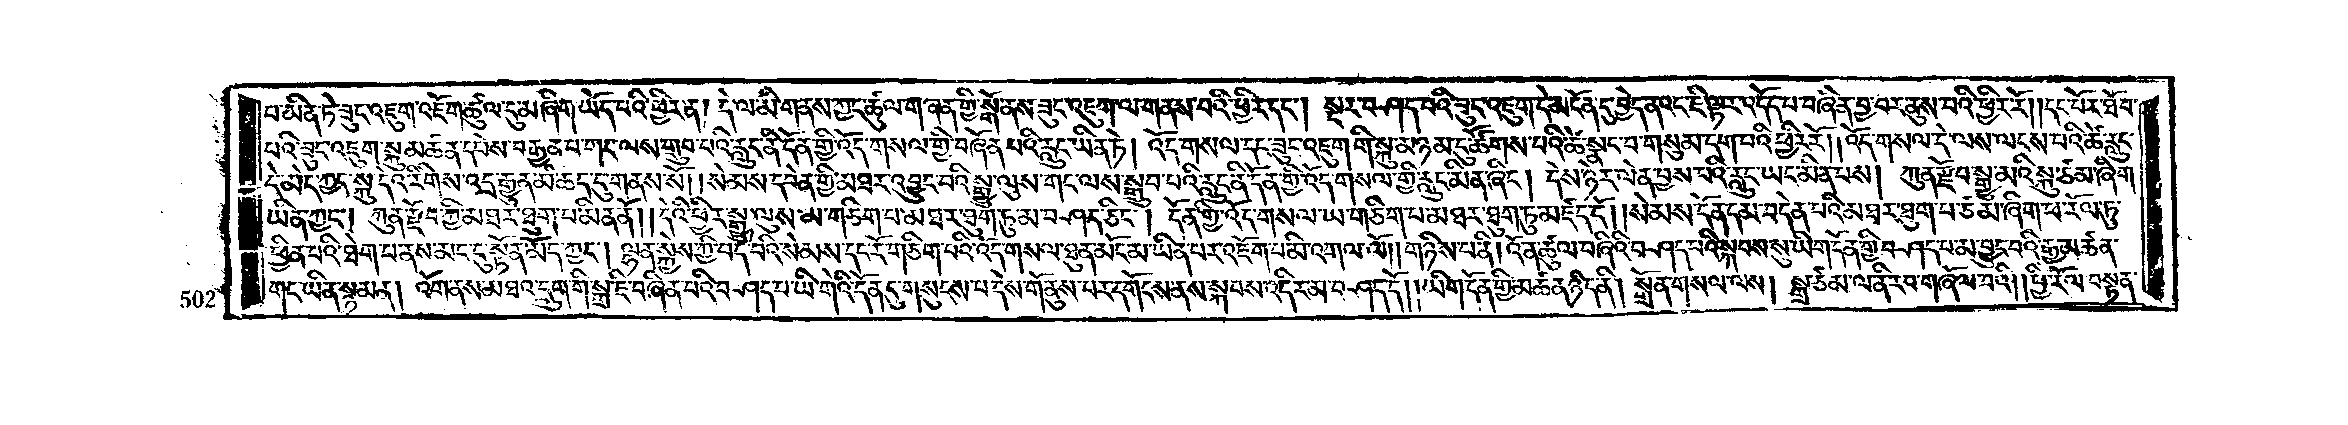པ་མིན་ཏེ་ཟུང་འཇུག་འཇོག་ཚུལ་དུ་མ་ཞིག་ཡོད་པའི་ཕྱིར་ན། དེ་ལ་མི་གནས་ཀྱང་ཚུལ་གཞན་གྱི་སྒོ་ནས་ཟུང་འཇུག་ལ་གནས་པའི་ཕྱིར་དང་། སྔར་བཤད་པའི་ཟུང་འཇུག་དེ་མངོན་དུ་བྱེད་ནའང་ཇི་ལྟར་འདོད་པ་བཞིན་བྱ་བར་ནུས་པའི་ཕྱིར་རོ། །དང་པོར་ཐོབ་
པའི་ཟུང་འཇུག་སྐུ་མཚན་དཔེས་བརྒྱན་པ་གང་ལས་གྲུབ་པའི་རླུང་ནི་དོན་གྱི་འོད་གསལ་གྱི་བཞོན་པའི་རླུང་ཡིན་ཏེ། འོད་གསལ་དང་ཟུང་འཇུག་གི་སྐུ་མཉམ་དུ་ཚོགས་པའི་ཚེ་སྣང་བ་གསུམ་དག་པའི་ཕྱིར་རོ། །འོད་གསལ་དེ་ལས་ལངས་པའི་ཚེ་རླུང་
དེ་མེད་ཀྱང་སྐུ་དེའི་རིགས་འདྲ་རྒྱུན་མི་ཆད་དུ་གནས་སོ། །སེམས་དབེན་གྱི་མཐར་འབྱུང་བའི་སྒྱུ་ལུས་གང་ལས་སྒྲུབ་པའི་རླུང་ནི་དོན་གྱི་འོད་གསལ་གྱི་རླུང་མིན་ཞིང་། དེས་ཉེར་ལེན་བྱས་པའི་རླུང་ཡང་མིན་པས། ཀུན་རྫོབ་སྒྱུ་མའི་སྐུ་ཙམ་ཞིག་
ཡིན་ཀྱང་། ཀུན་རྫོབ་ཀྱི་མཐར་ཐུག་པ་མིན་ནོ། །དེའི་ཕྱིར་སྒྱུ་ལུས་ཡ་གཅིག་པ་མཐར་ཐུག་ཏུ་མ་བཤད་ཅིང་། དོན་གྱི་འོད་གསལ་ཡ་གཅིག་པ་མཐར་ཐུག་ཏུ་མཛད་དོ། །སེམས་དོན་དམ་བདེན་པའི་མཐར་ཐུག་པ་ཙམ་ཞིག་ཕ་རོལ་ཏུ་
ཕྱིན་པའི་ཐེག་པ་ནས་མང་དུ་སྟོན་མོད་ཀྱང་། ལྷན་སྐྱེས་ཀྱི་བདེ་བའི་སེམས་དང་རོ་གཅིག་པའི་འོད་གསལ་ཐུན་མོང་མ་ཡིན་པར་འཇོག་པ་མི་འགལ་ལོ། །གཉིས་པ་ནི། འོ་ན་ཚུལ་བཞིའི་བཤད་པའི་སྐབས་སུ་ཡིག་དོན་གྱི་བཤད་པ་མ་བྱུང་བའི་རྒྱུ་མཚན་
གང་ཡིན་སྙམ་ན། འོག་ནས་མཐའ་དྲུག་གི་སྒྲ་ཇི་བཞིན་པའི་བཤད་པ་ཡི་གེའི་དོན་དུ་གསུངས་པ་དེས་གོ་ནུས་པར་དགོངས་ནས་སྐབས་འདིར་མ་བཤད་དོ། །ཡིག་དོན་གྱི་མཚན་ཉིད་ནི། སྒྲོན་གསལ་ལས། སྒོ་ཙམ་ལ་ནི་རབ་གཞོལ་བའི། །ཕྱི་རོལ་བསྟན་